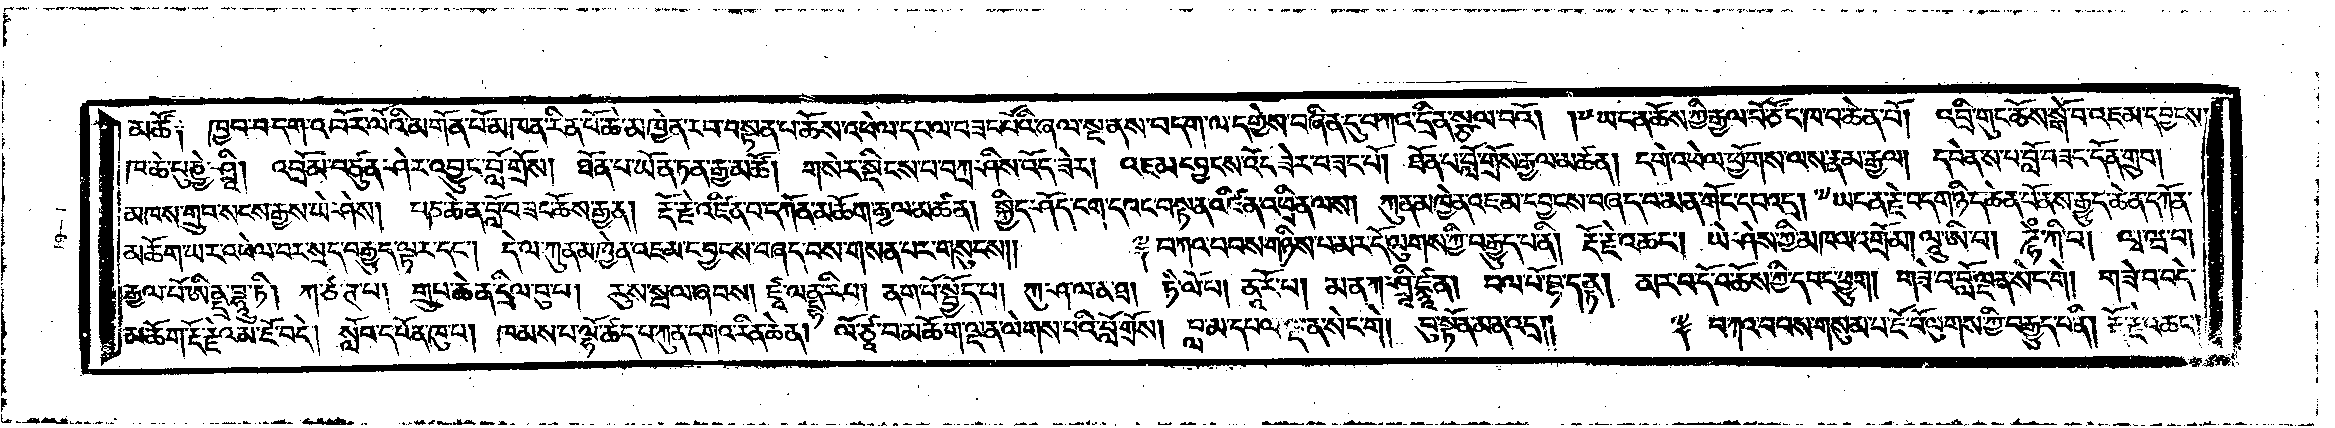མཚོ༑ ཁྱབ་བདག་འཁོར་ལོའི་མགོན་པོ་མཁན་རིན་པོ་ཆེ་མཁྱེན་རབ་བསྟན་པ་ཆོས་འཕེལ་དཔལ་བཟང་པོའི་ཞལ་སྔ་ནས་བདག་ལ་དགྱེས་བཞིན་དུ་བཀའ་དྲིན་སྩལ་བའོ། །༧ཡང་ན་ཆོས་ཀྱི་རྒྱལ་བོ་ཙོང་ཁ་བ་ཆེན་པོ། འབྲི་གུང་ཆོས་སྒོ་བ་འཇམ་དབྱངས་
ཁ་ཆེ་པུཎྱེ་ཤྲཱི། འབྲོམ་བཙུན་ཤེར་འབྱུང་བློ་གྲོས། ཐོན་པ་ཡོན་ཏན་རྒྱ་མཚོ། གསེར་སྡིངས་པ་བཀྲ་ཤིས་འོད་ཟེར། འཇམ་དབྱངས་འོད་ཟེར་བཟང་པོ། ཐོན་པ་བློ་གྲོས་རྒྱལ་མཚན། དགེ་འཕེལ་ཕྱོགས་ལས་རྣམ་རྒྱལ། དབེན་ས་པ་བློ་བཟང་དོན་གྲུབ།
མཁས་གྲུབ་སངས་རྒྱས་ཡེ་ཤེས། པཎ་ཆེན་བློ་བཟང་ཆོས་རྒྱན། རྡོ་རྗེ་འཛིན་པ་དཀོན་མཆོག་རྒྱལ་མཚན། སྐྱིད་ཤོད་ངག་དབང་བསྟན་འཛིན་འཕྲིན་ལས། ཀུན་མཁྱེན་འཇམ་དབྱངས་བཞད་པ་མན་གོང་དཔལ་འདྲ། ༧ཡང་ན་རྗེ་བདག་ཉིད་ཆེན་པོ་ནས་རྒྱུད་ཆེན་དཀོན་
མཆོག་ཡར་འཕེལ་བར་སྲད་བརྒྱུད་ལྟར་དང་། དེ་ལ་ཀུན་མཁྱེན་འཇམ་དབྱངས་བཞད་བས་གསན་པར་གསུངས།། འབྐའ་བབས་གཉིས་པ་མར་དོ་ལུགས་ཀྱི་བརྒྱུད་པ་ནི། རྡོ་རྗེ་འཆང་། ཡེ་ཤེས་ཀྱི་མཁའ་འགྲོ་མ། ལཱུ་ཨི་བ། ཌྷཾ་ཀི་བ། ལ་ཝ་བ།
རྒྱལ་པོ་ཨིནྡྲ་བྷཱུ་ཏི། ཀ་ཙ་ཊ་པ། གྲུབ་ཆེན་དྲིལ་བུ་པ། རུས་སྦལ་ཞབས། ཛྭ་ལནྡྷ་རི་པ། ནག་པོ་སྤྱོད་པ། ཀུ་ཤ་ལ་ན་ཐ། ཏཻ་ལོ་པ། ནཱ་རོ་པ། མན་ཀ་ཤྲཱི་ཛྙཱ་ན། བལ་པོ་བྷ་དནྟ། མར་བ་དོ་བ་ཆོས་ཀྱི་དབང་ཕྱུག། གཟེ་བ་བློ་ལྡན་སེང་གེ། གཟེ་བ་བདེ་
མཆོག་རྡོ་རྗེའམ་ཇོ་བདེ། སློབ་དཔོན་ཁུ་པ། ཁམས་པ་ལྷོ་ཚད་པ་ཀུན་དགའ་རིན་ཆེན། ལོ་ཙཱ་བ་མཆོག་ལྡན་ལེགས་པའི་བློ་གྲོས། བླ་མ་དཔལ་ལྡན་སེང་གེ། བུ་སྟོན་མན་འདྲ།། ༈ བཀའ་བབས་གསུམ་པ་ཇོ་བོ་ལུགས་ཀྱི་བརྒྱུད་པ་ནི། རྡོ་རྗེ་འཆང་།